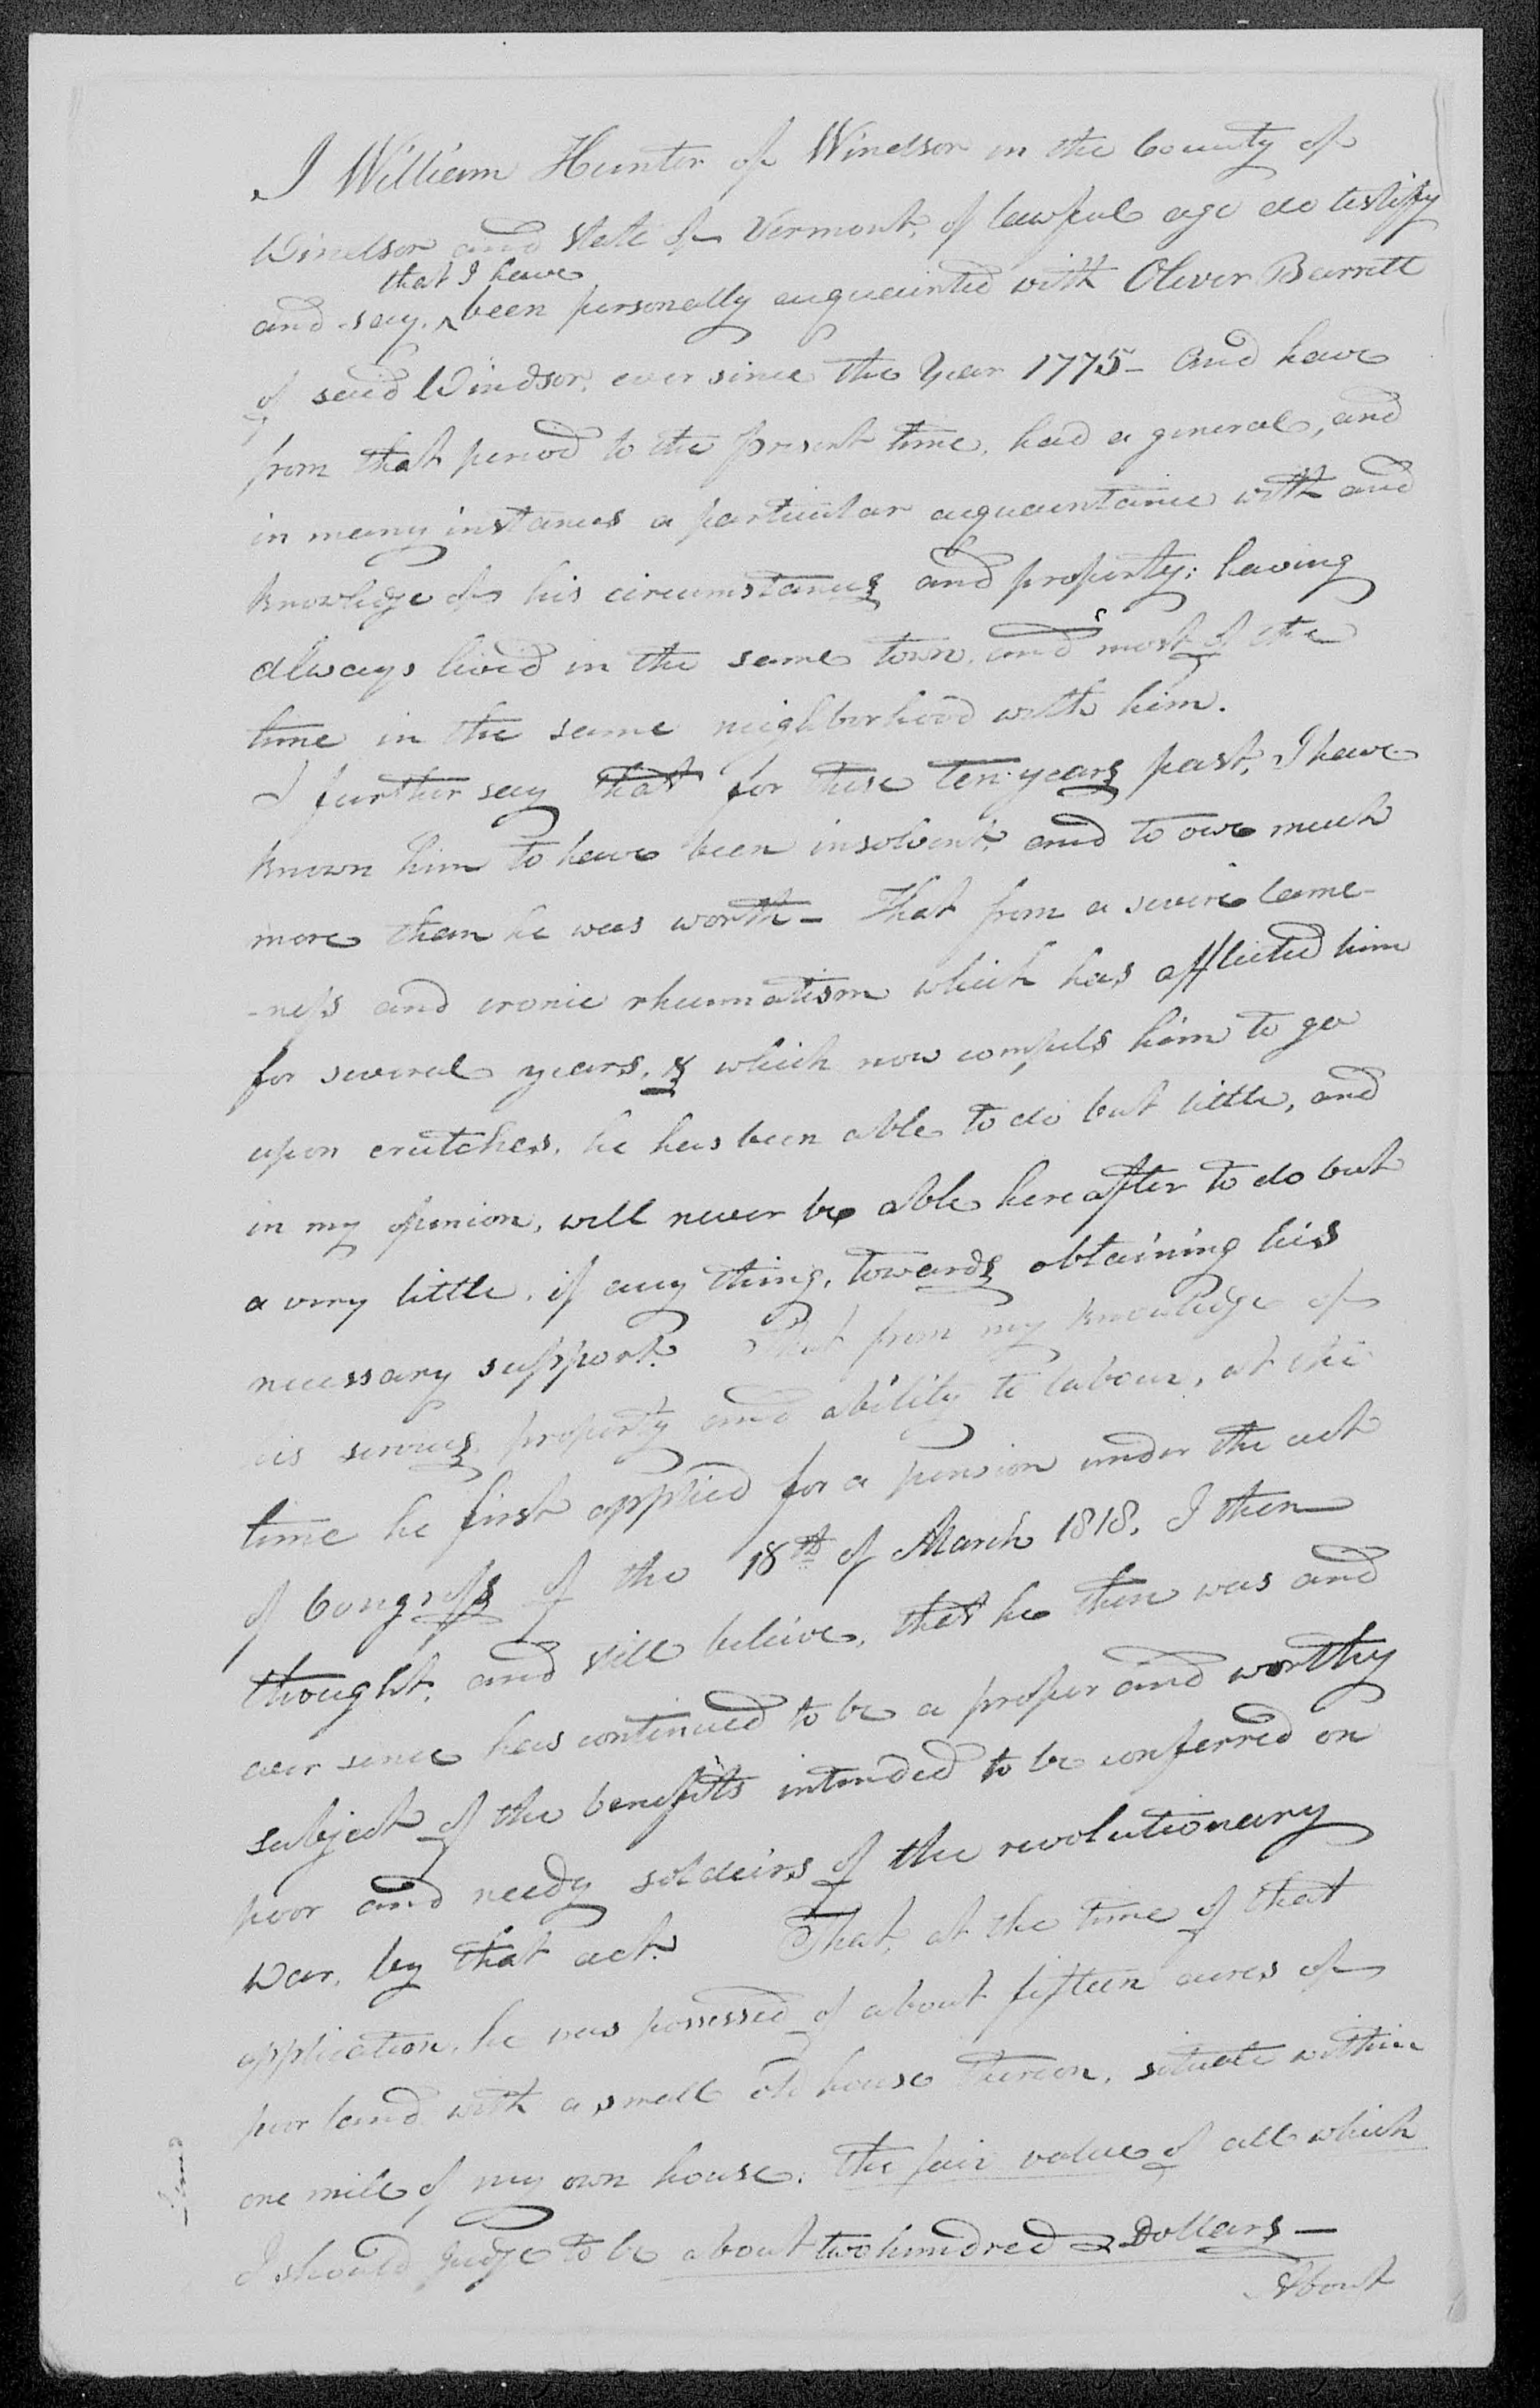I William Hunter of Windsor in the County of Windsor and State of Vermont of lawful age do testify and say that I have been personally acquainted with Oliver Barrett of said Windsor ever since the year 1775. And have from that period to the present time had a general and in many instances a particular acquaintance with and knowledge of his circumstances and property having always lived in the same town and most of the time in the same neighborhood with him. I further say that for these ten years past, I have known him to have been insolent and to owe much more than he was worth. That from a severe lameness and cronic rheumatism which has afflicted him for several years and which now compels him to go upon crutches, he has been able to do but with and in my opinion, will never be able hereafter to do but a very little, if any thing towards obtaining his necessary support. That from my knowledge of his services, property and ability to labour at the time he first applied for a pension under the Act of Congress of the 18th of March 1818. I then thought and still believe that he then was and ever since has continued to be a proper and worthy subject of the benefits intended to be conferred on poor and needy soldiers of the revolutionary war by that act. That at the time of that application he was possessed of about fifteen acres of poor land with a small old house thereon, situated within one mile of my own house, the fair value of all which I should judge to be about two hundred dollars- 
about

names: Oliver Barrett, William Hunter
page: 39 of 83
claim: widow's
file: W. 10,384, Oliver Barrett, Continental (Vt.) N.Y.